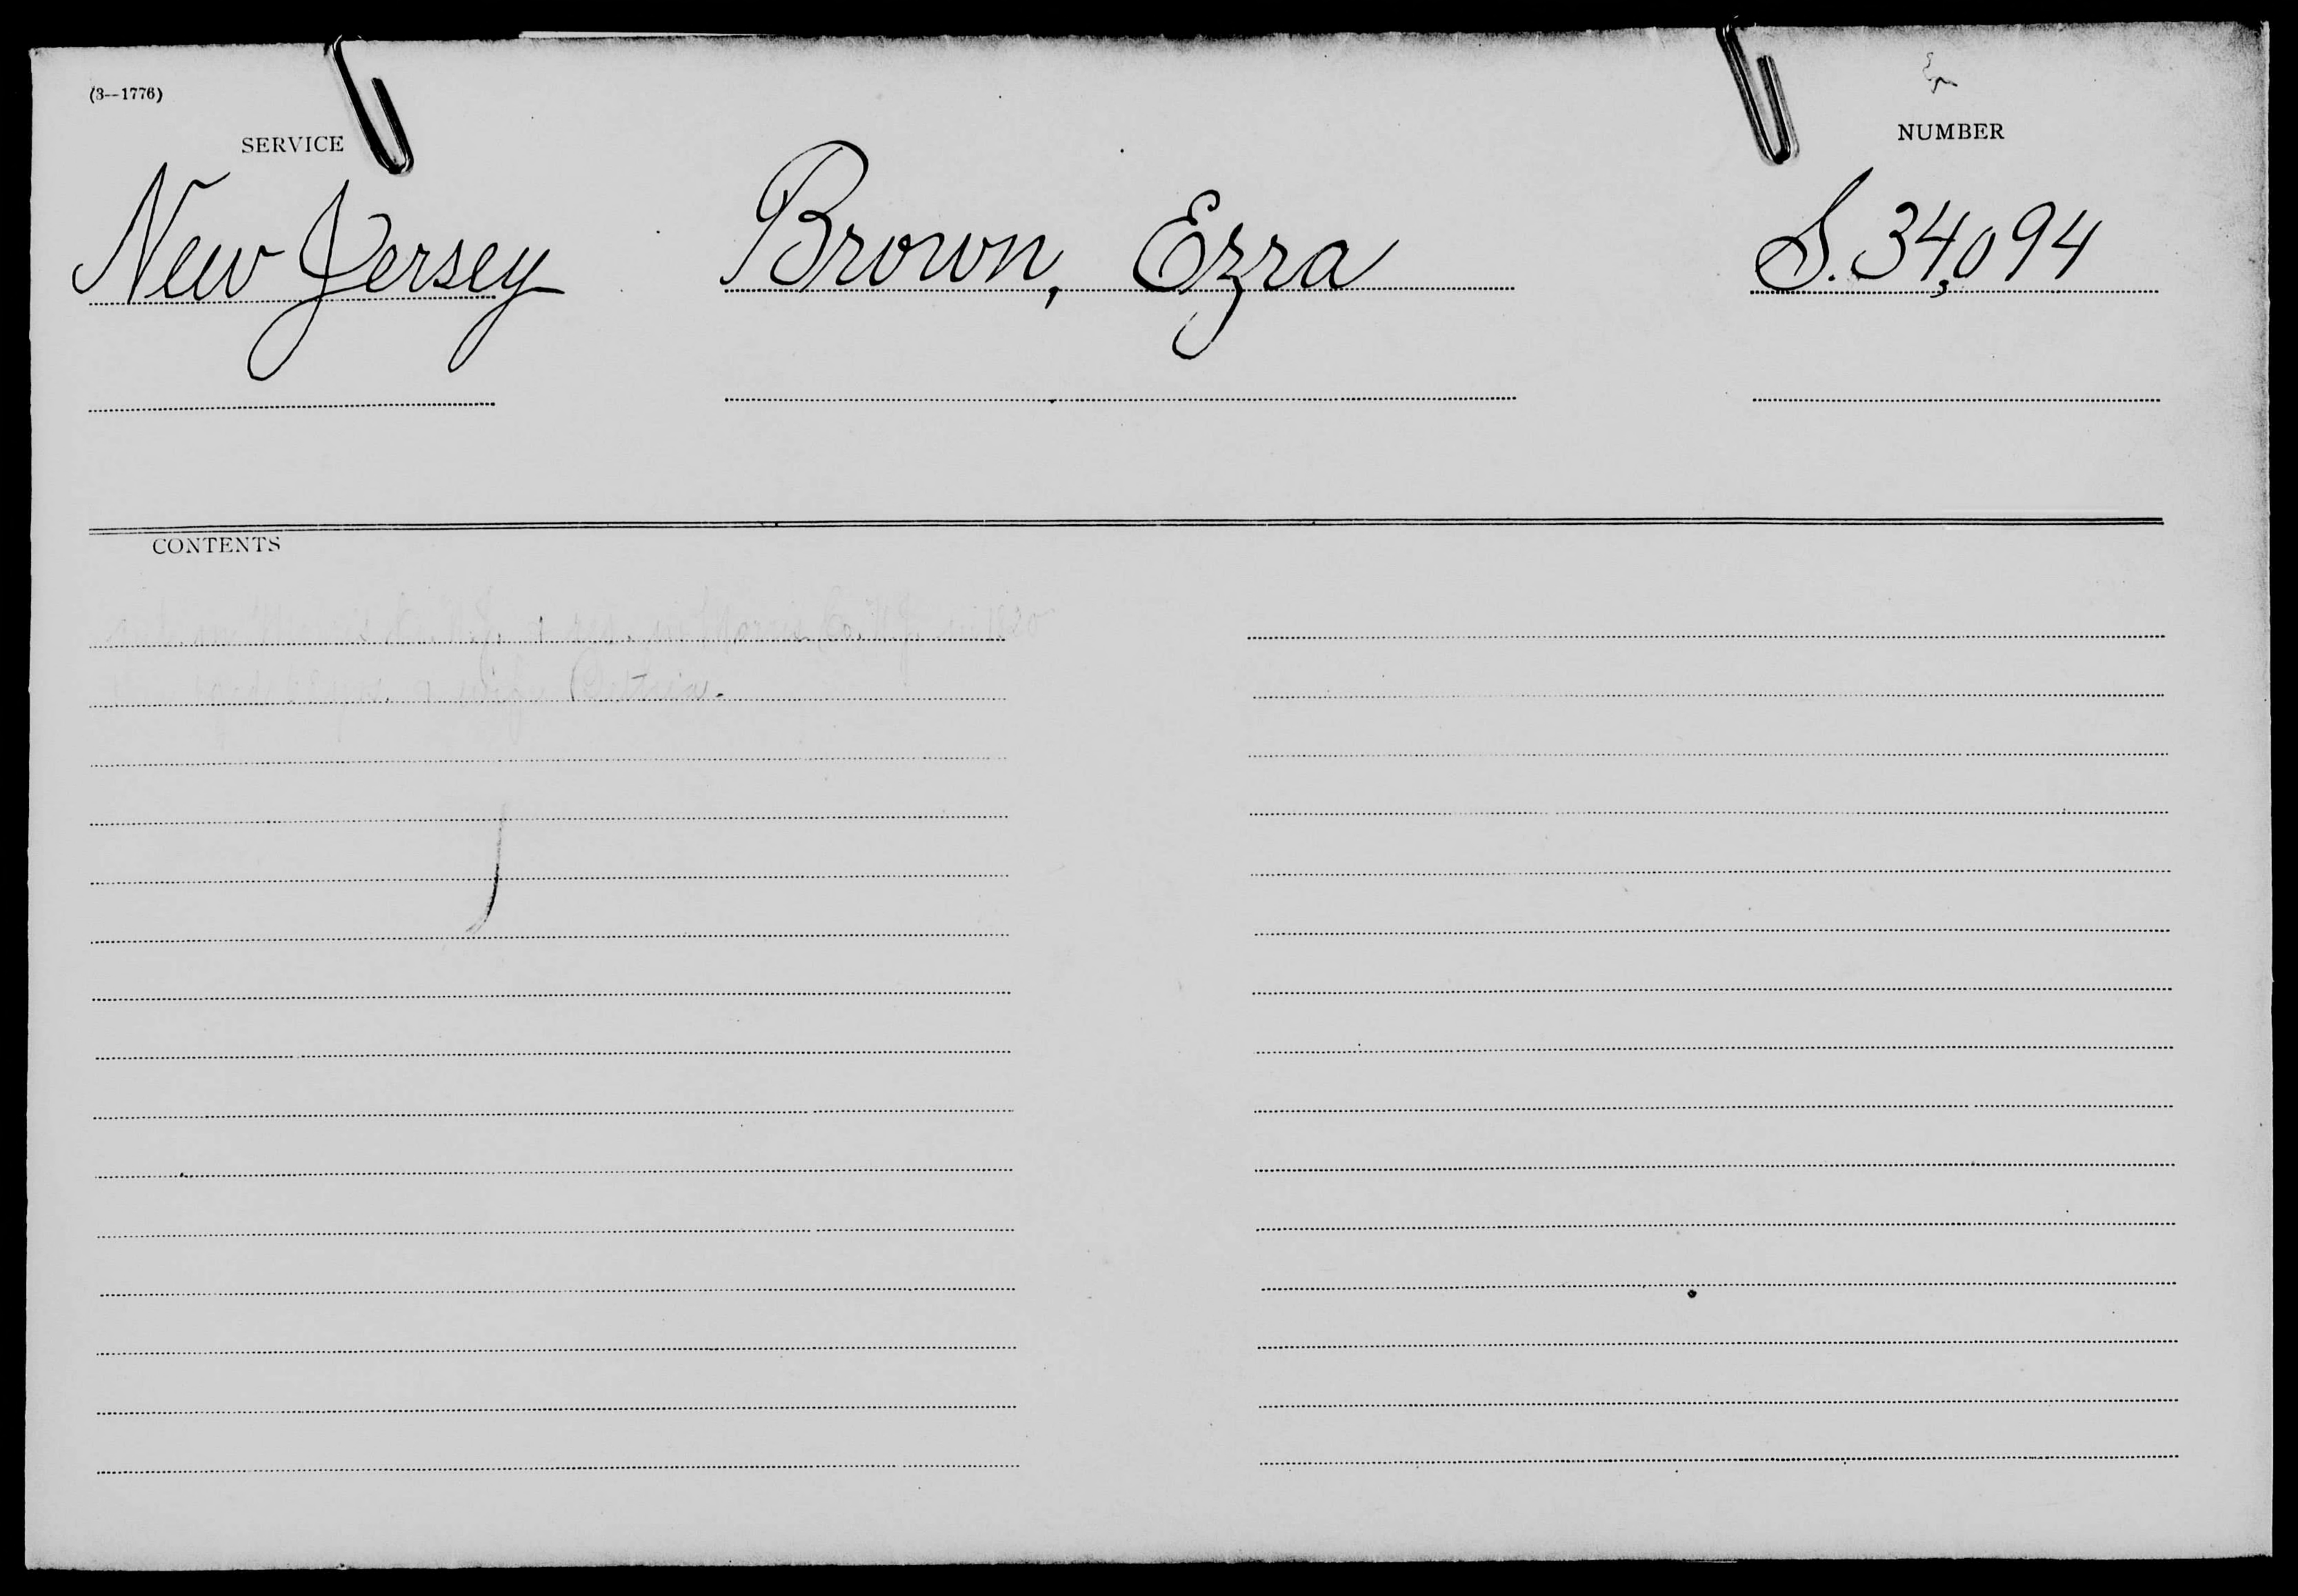(3-1776)
SERVICE                            NUMBER
New Jersey  Brown, Ezra   S.34,094
CONTENTS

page: 1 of 27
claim: survivor's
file: S. 34,094, Ezra Brown, New Jersey